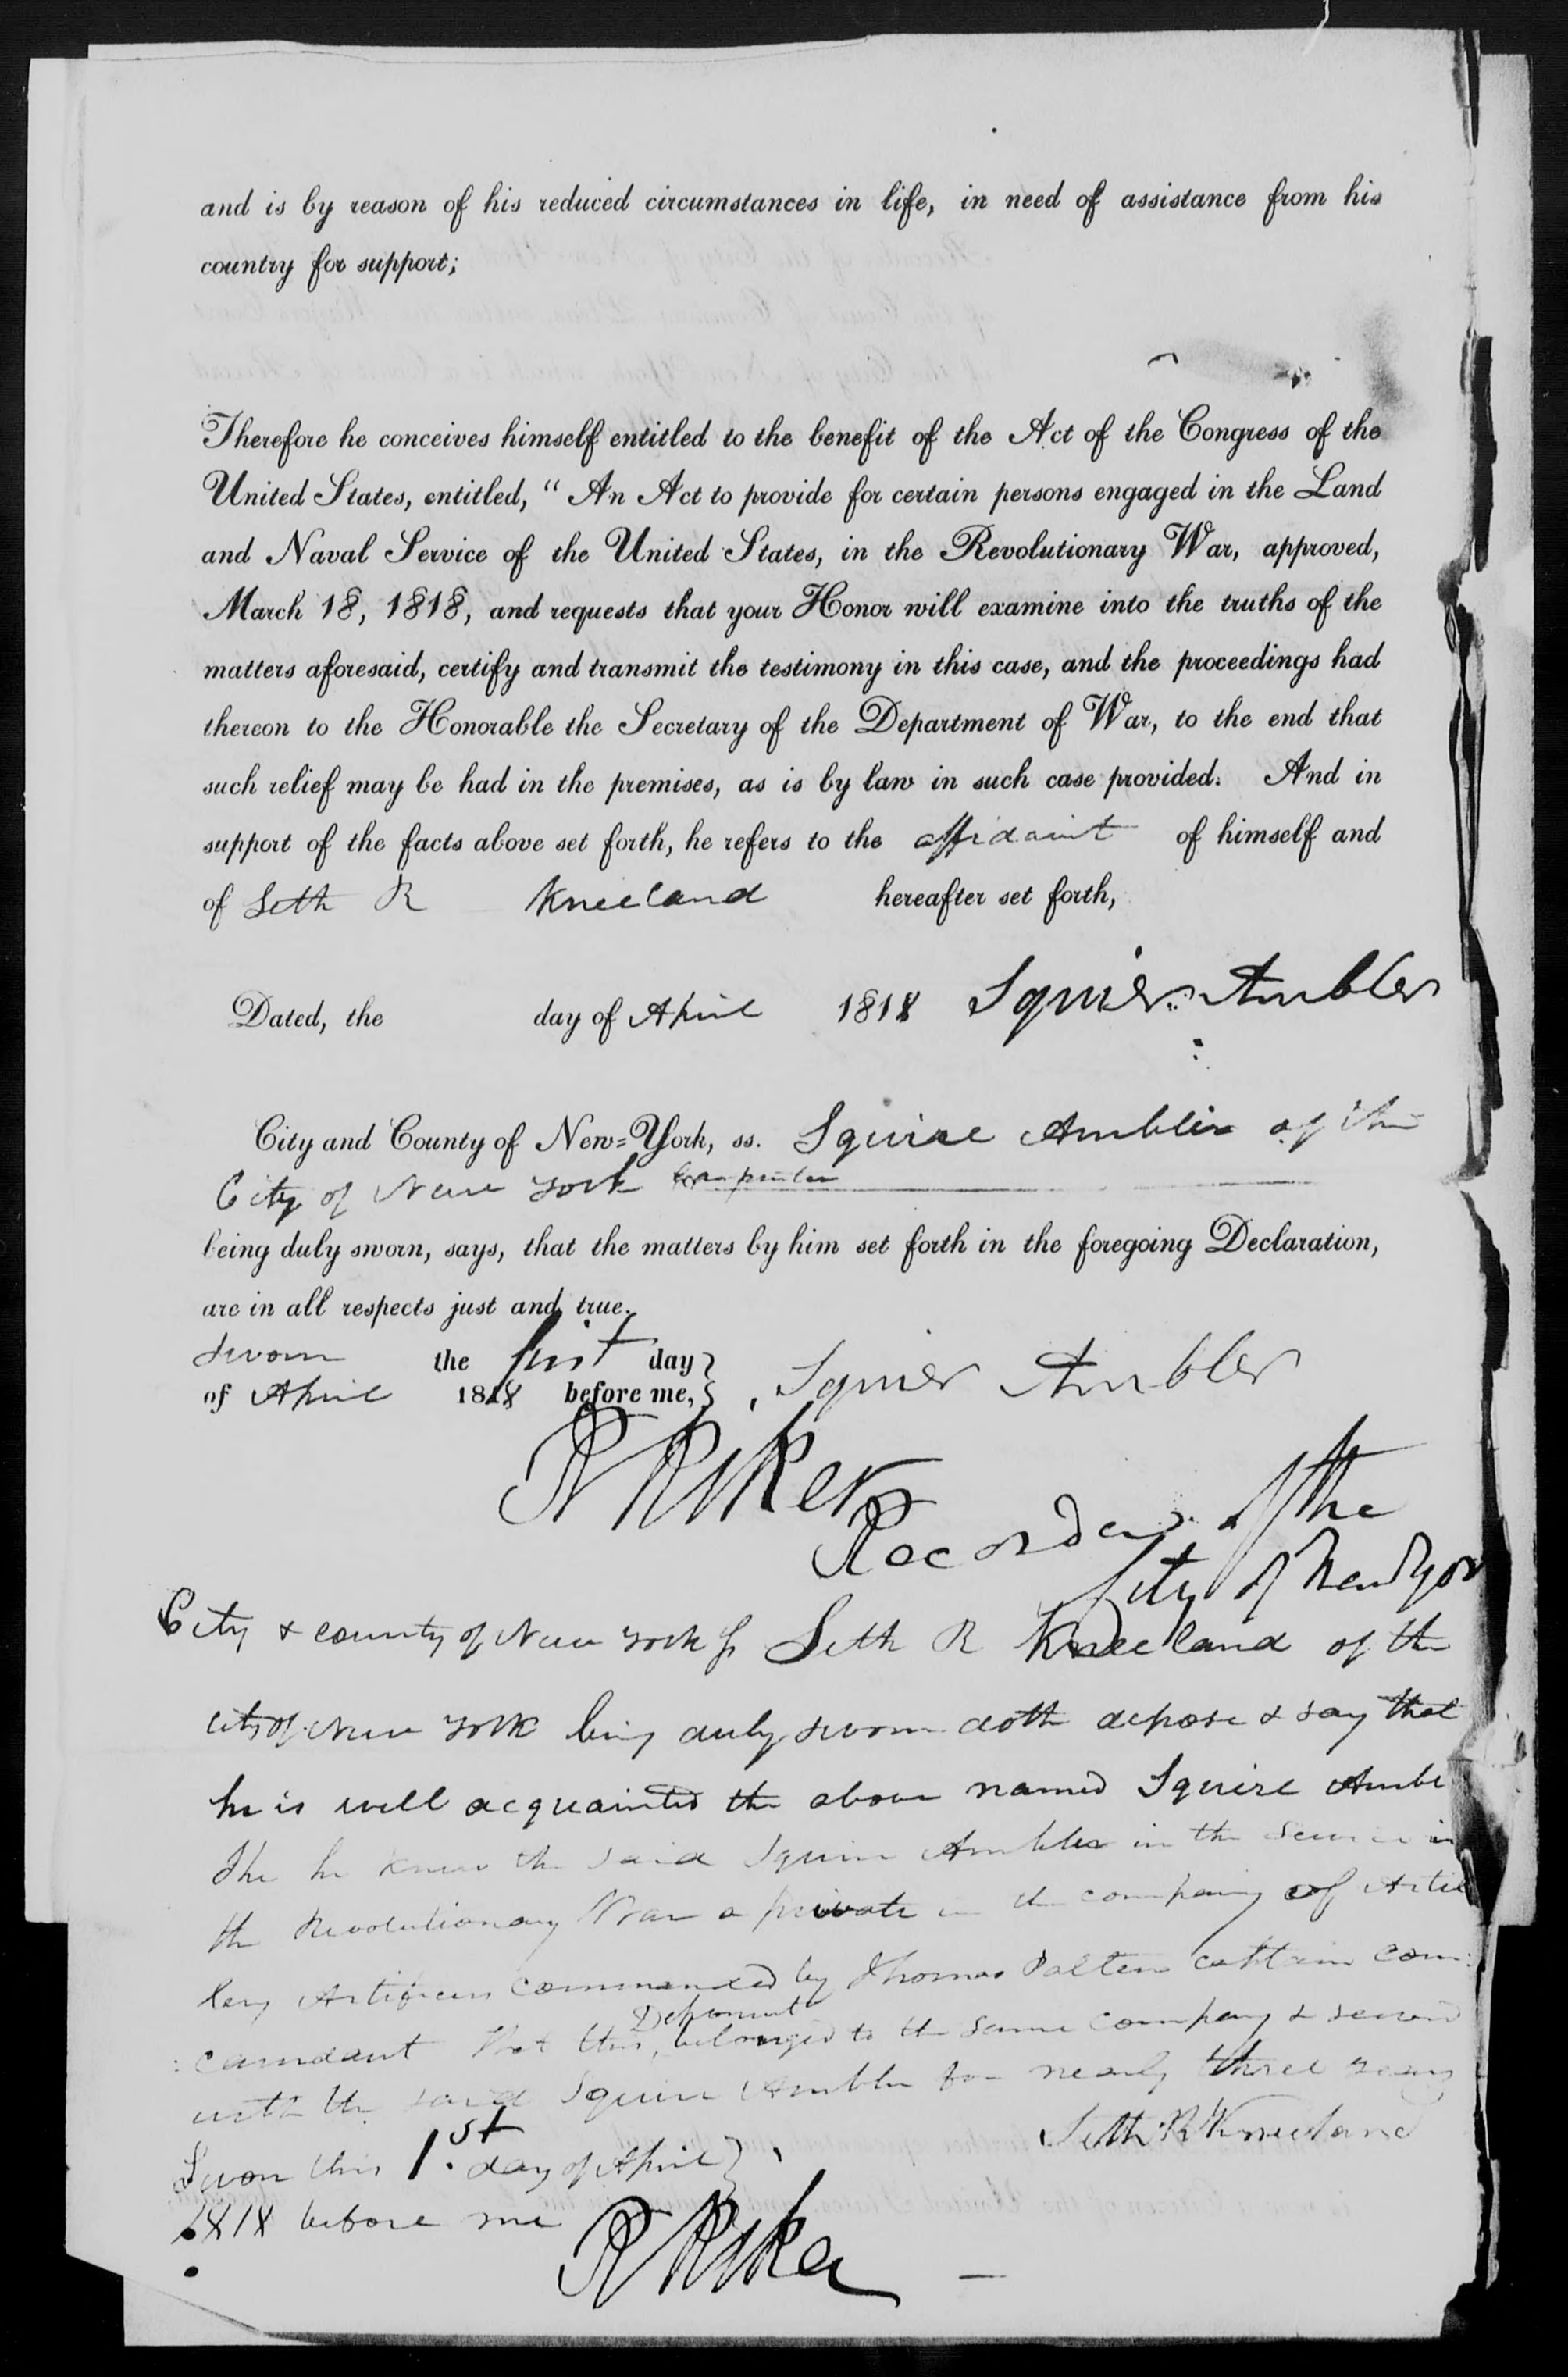and is by reason of his reduced circumstances in life, in need of assistance from his country for support;
Therefore he conceives himself entitled to the benefit of the Act of the Congress of the
United States, entitled, "An Act to provide for certain persons engaged in the Land
and Naval Service of the United States, in the Revolutionary War, approved,
March 18, 1818, and requests that your Honor will examine into the truth of the
matters aforesaid, certify and transmit the testimony in this case, and the proceedings had thereon to the Honorable the Secretary of the Department of War, to the end that such relief may be had in the premises, as is by law in such case provided. And in support of the facts above set forth, he refers to the affidavit of himself and
of Seth R Kneeland hereafter set forth,
Dated, the  day of April 1818 Squire Ambler
City and County of New York, ss. Squire Ambler of the City of New York Carpenter
being duly sworn, says, that the matters by him set forth in the foregoing Declaration,
are in all respects just and true.
Squire Ambler

Sworn the first day of April 1818 before me,
R Riker
Recorder of the City of New York
City and county of New York of Seth R Kneeland of the City of New York being duly sworn doth depose and say that he is well acquainted the above named Squire Ambler.
The he knew the said Squire Ambler in the service of the Revolutionary War a private in the company of Artillery Artificers Commanded by Thomas Pattens captain commandant that this Deponent belonged to the same Company & served with the said Squire Ambler for nearly three years
Seth R. Kneeland
Sworn this 1st day of April 1818 before me R. Riker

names: Thomas Patten, Squier Ambler, Seth R Kneeland, R Riker, Squier Ambler, R Riker, Squire Ambler, Squire Ambler, Squire Ambler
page: 12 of 39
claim: widow's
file: W. 2,056, Squire Ambler, Continental (Sol. Res. In N.Y. & Conn.)